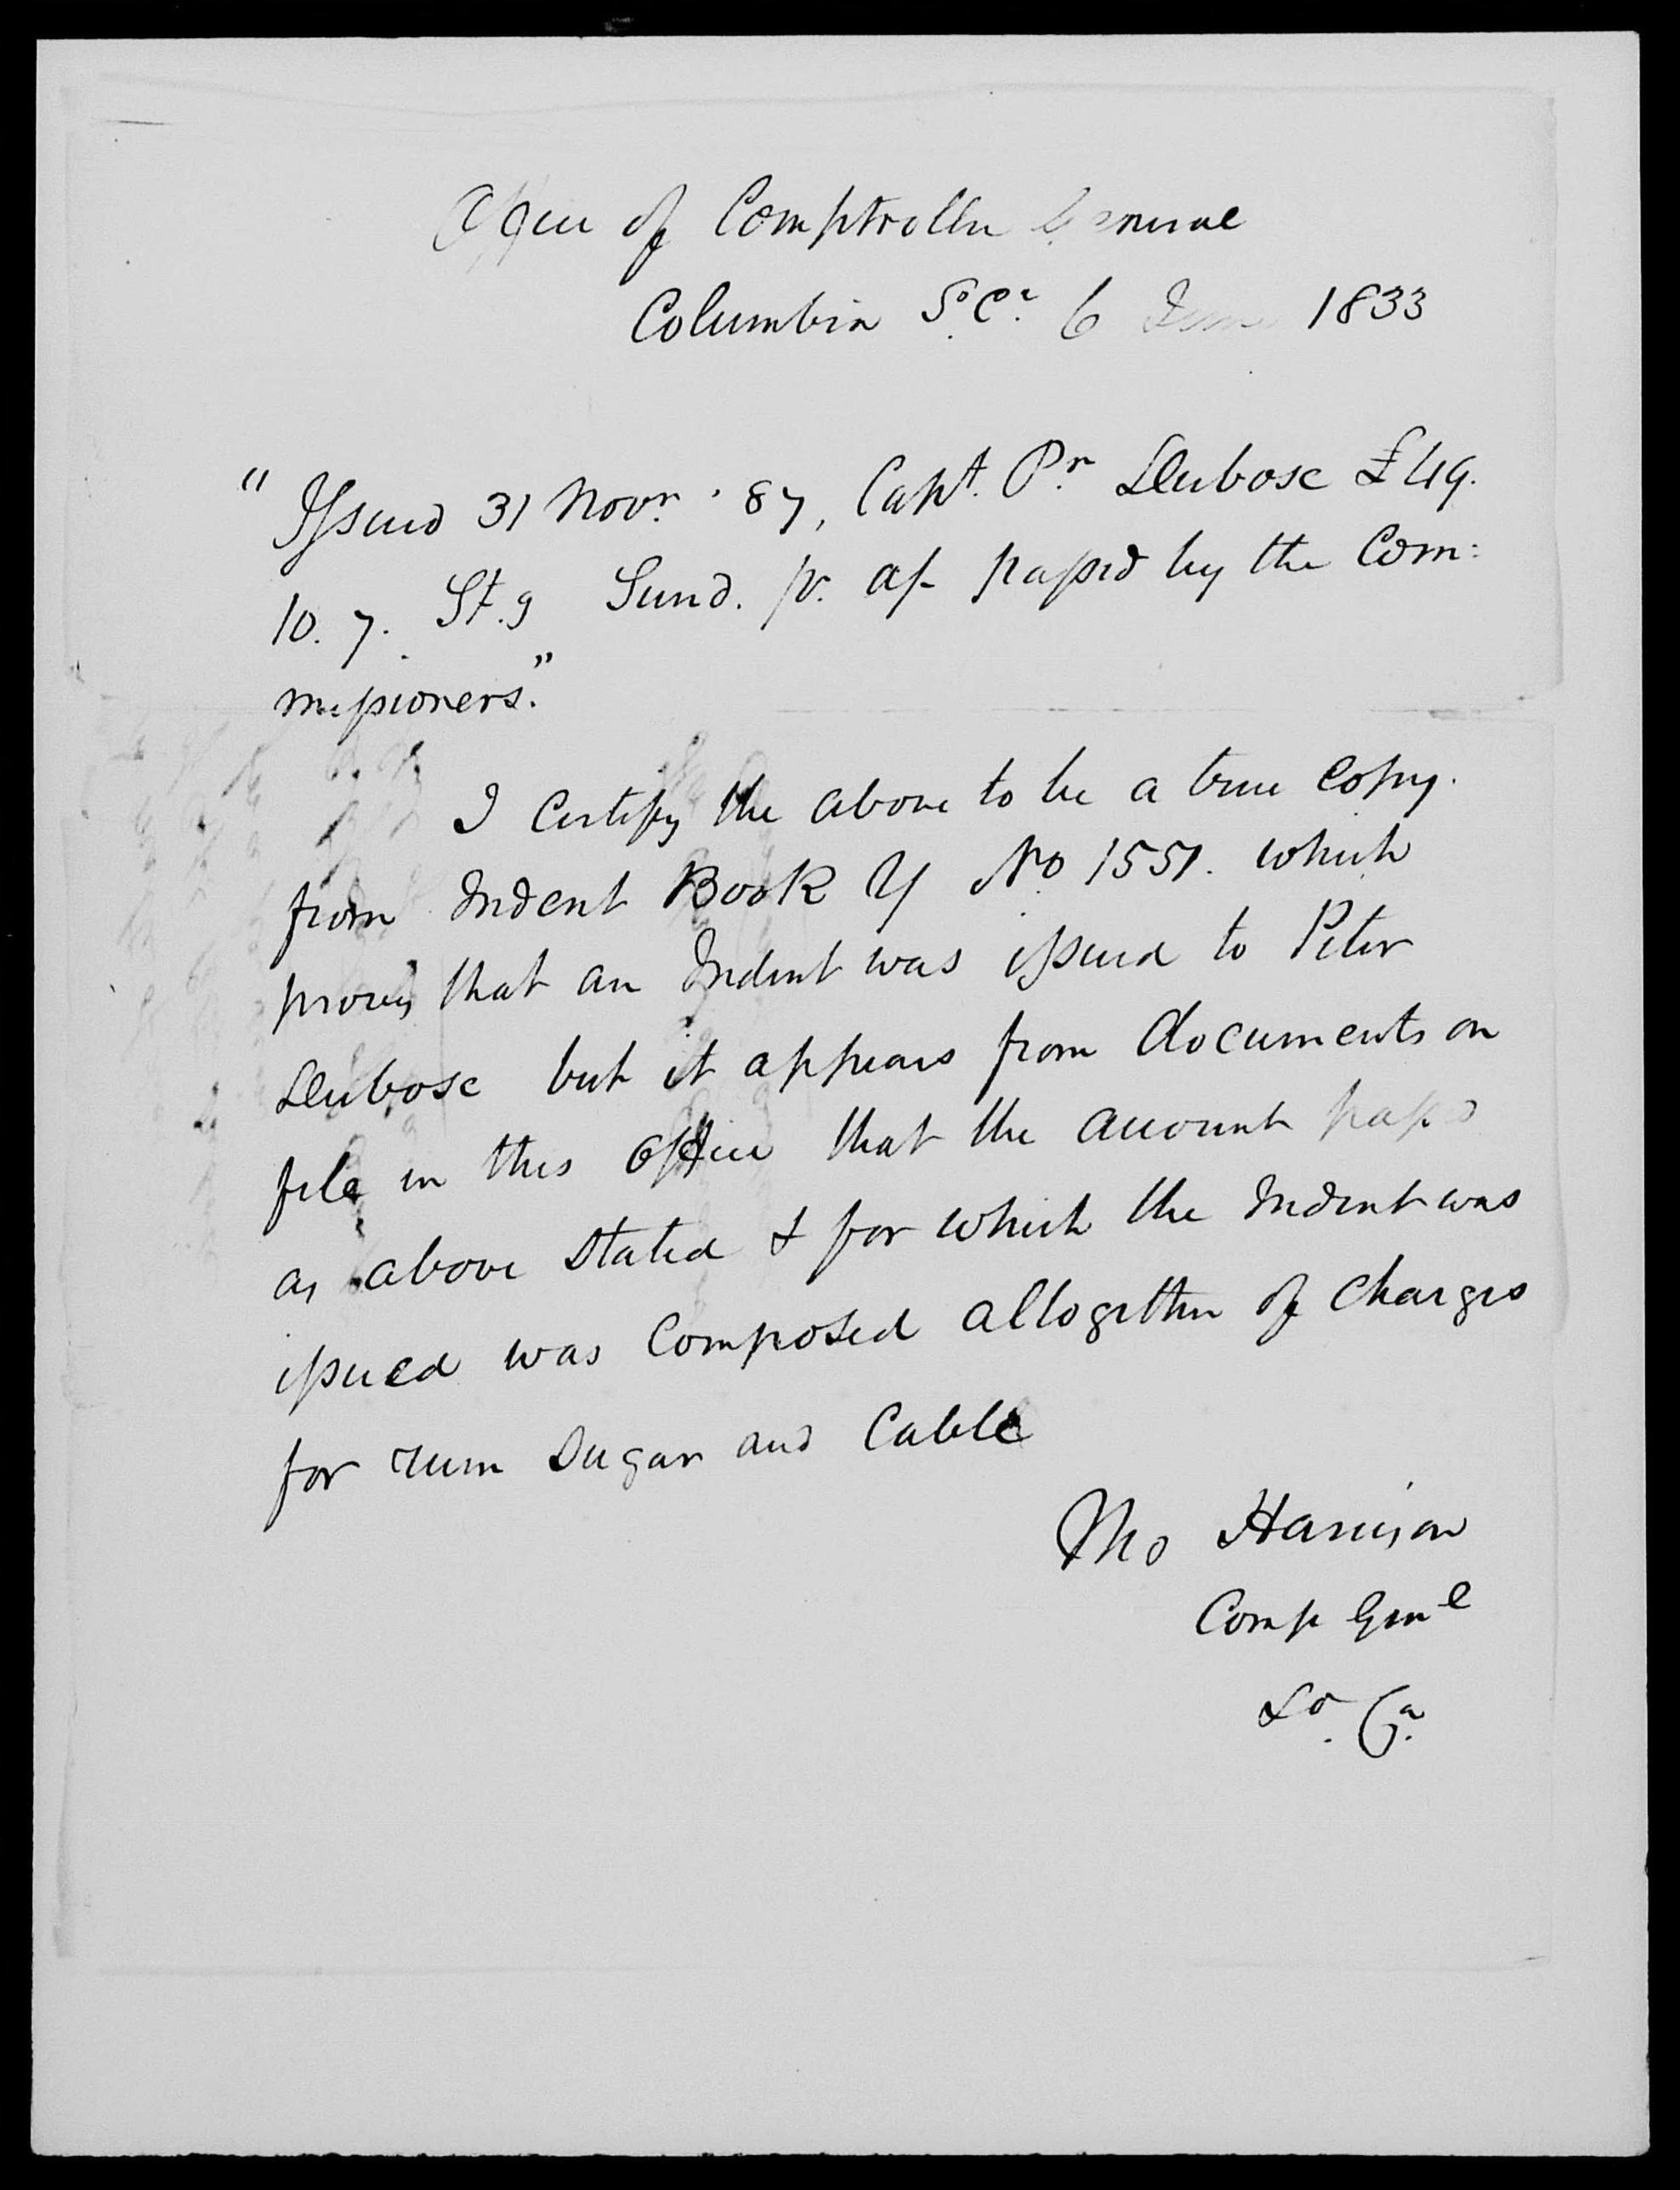" Issued 31 Nov. '87 Capt. Pr . Dubose Lbs 69 . 10. 7 Stg pr ap passed by the Commissioners " I certify the above to be a true dopy from Indent  Book Y  No 1551  which  proves that an Indent was issued to Petr Dubose  but it appears from documents on  file in this office that the amount passed as above stated & for  which the Indent was issued was composed  all together of charges for  rum , sugar, and cable.  Jno Harrison ( signed ) Comp. Genl.  So. Ca.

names: Pr Dubose, Peter Dubose, Jno Harrison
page: 33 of 43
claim: survivor's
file: S. 21163, Peter Dubose, S.C.